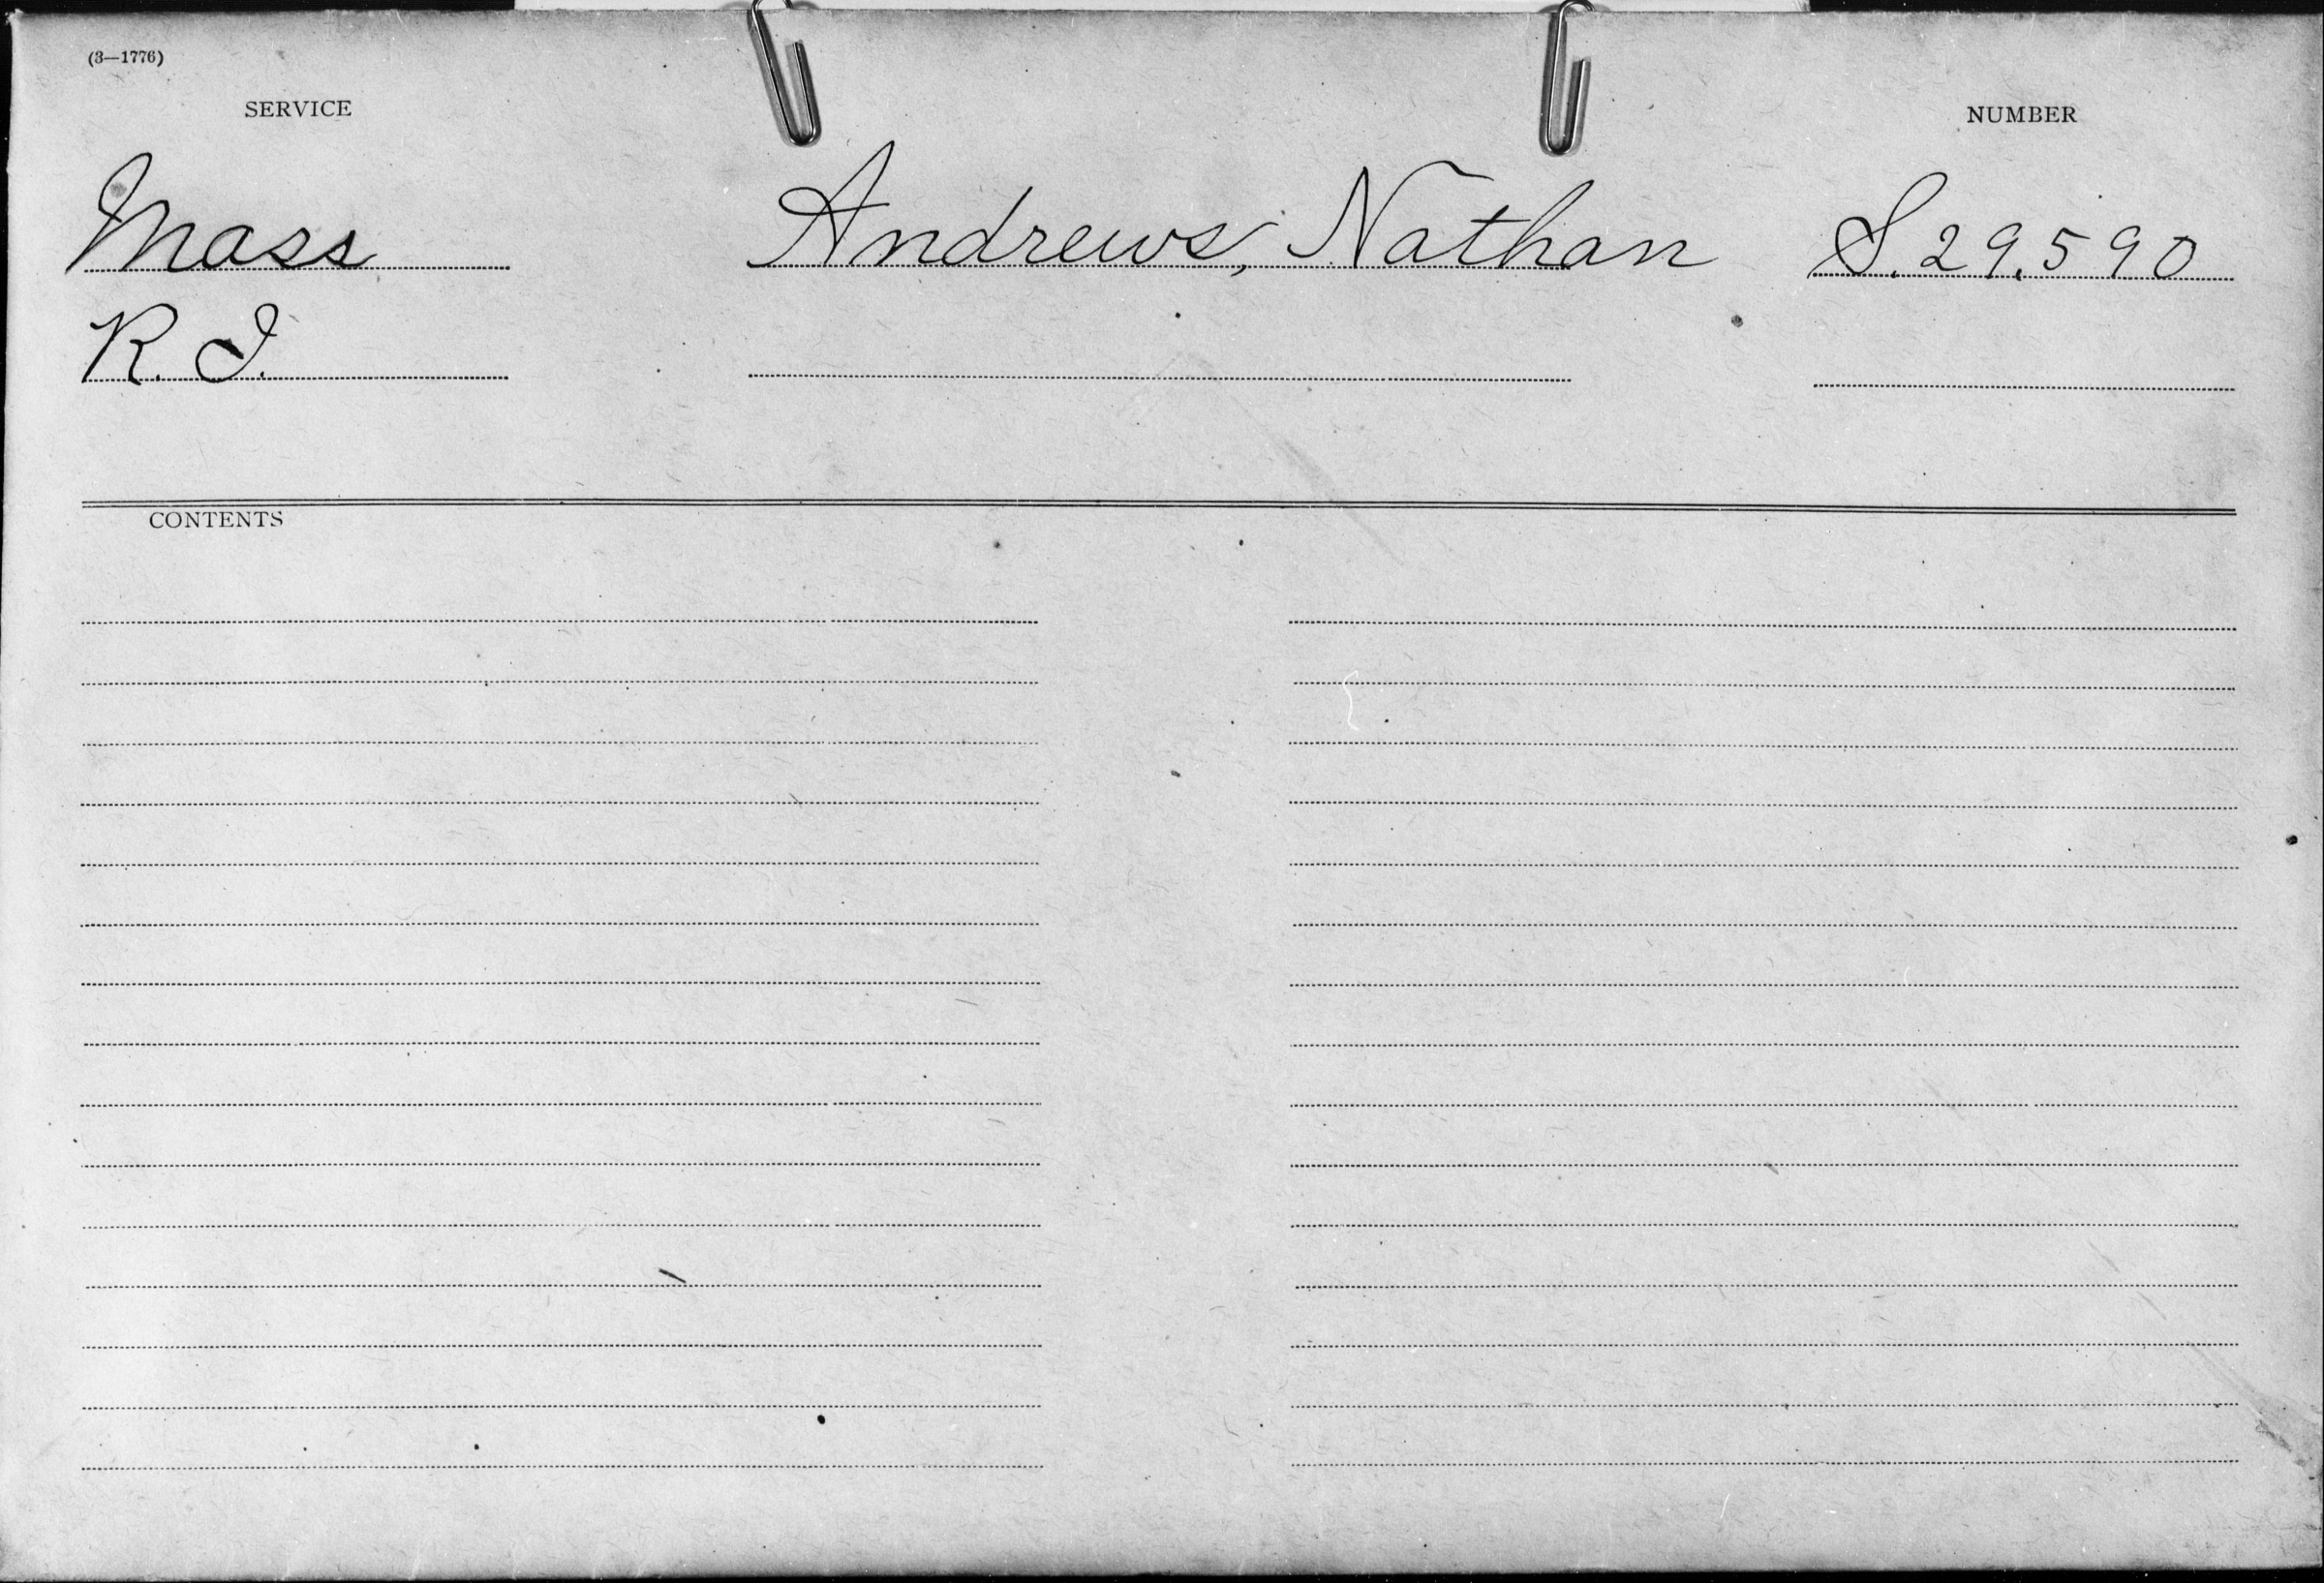(3-1776)
SERVICE | NUMBER

Mass | Andrews, Nathan | S29590
RI

Contents
[blank]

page: 1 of 18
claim: survivor's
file: S. 29,590, Nathan Andrews, Mass R.I.